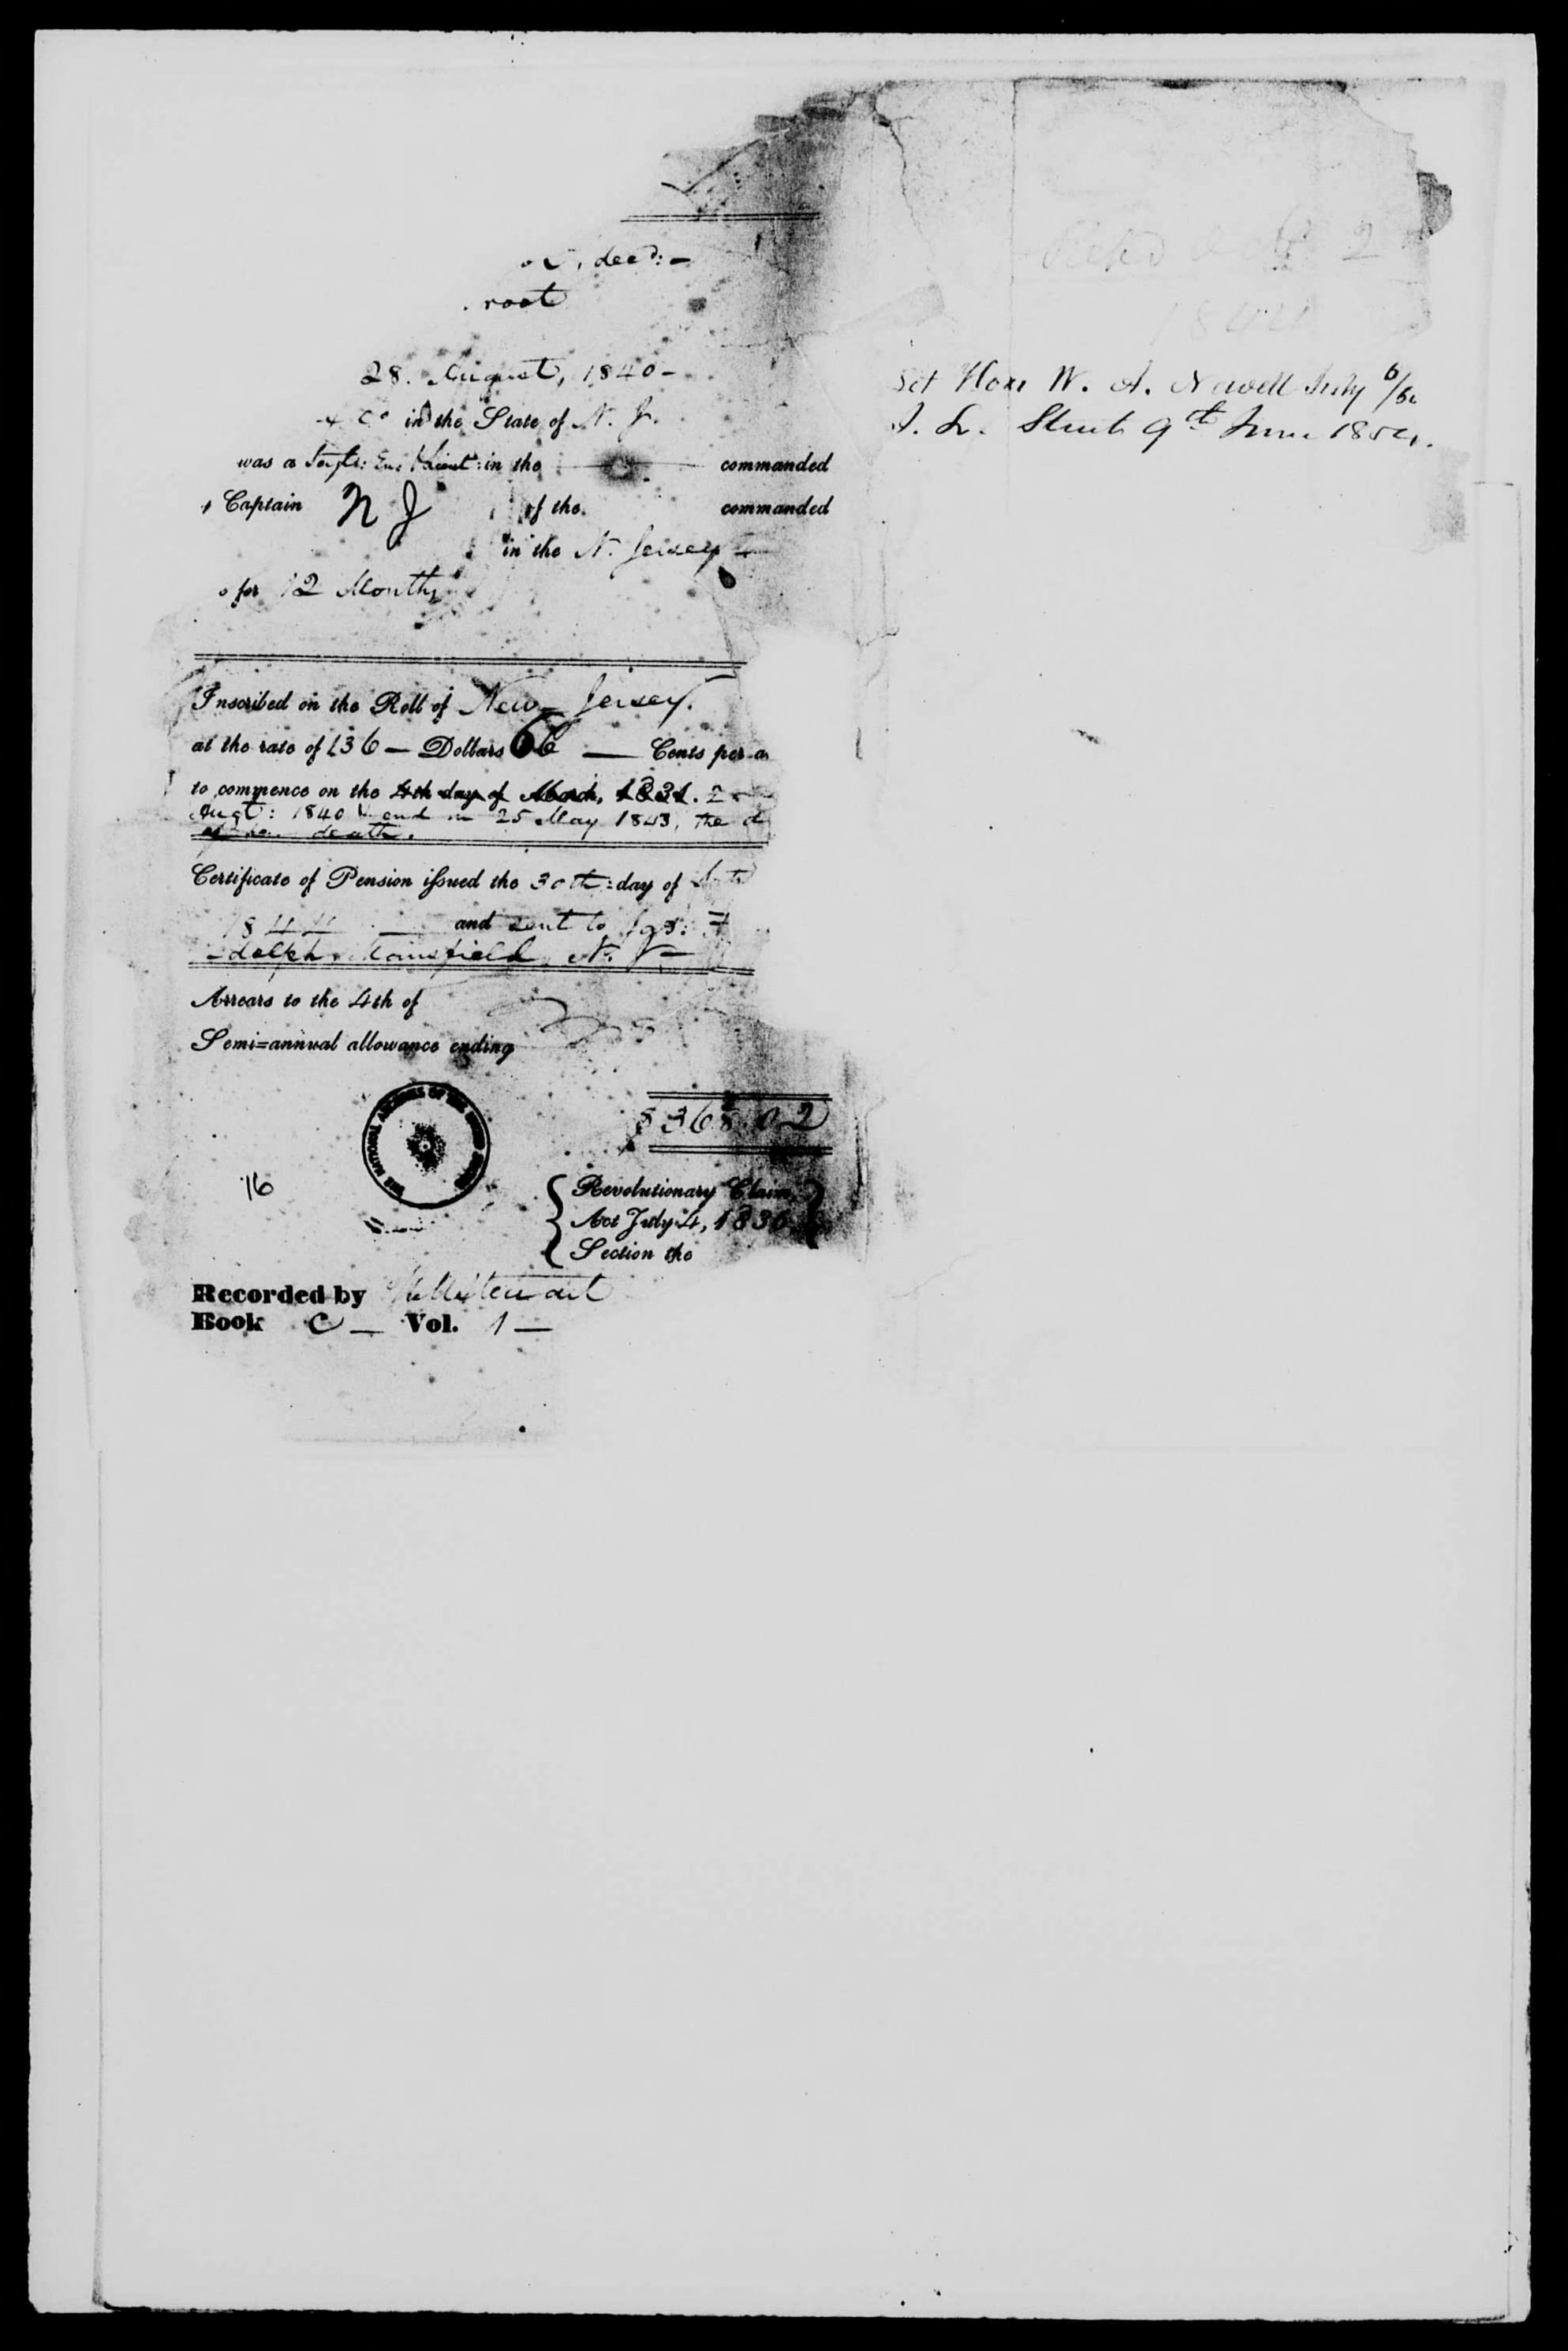[top left corner of page missing]
28 August, 1840 in the State of N. J.
was a Sarge: [illeg] within the commanded
by Captain N. J.                of the      commanded in the N. Jersey
for 12 Months
____________________________________________
Inscribed on the Roll of New Jersey
at the rate of 136 Dollars 66 Cents per [illeg]
to commence on the 4th day of March, 1834.
Aug. 1840 end in 25 May 1843. Augt: 1840 end on 25 May 1843, the day of [his?] death
__________________________________________
Certificate of Pension issued the 30th day of Sept 1844 and sent to Sgt. F [illeg]alph  [illeg]ansfield NJ.
_____________________________________________
Arrears to the 4th of
Semi-annual allowance ending
_______________
$368.02

Revolutionary Claim
Act July 4, 1830
Section [illeg]
Recorded by [illegible]

Book c Vol. 1-

Let Hon W. A. Newell July 6/50
J. L. Strurt 9th June 1854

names: , W A Newell, W M Stewart, J L Sturt, , Jas F Randolph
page: 2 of 77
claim: widow's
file: W. 417, William De Groot, New Jersey